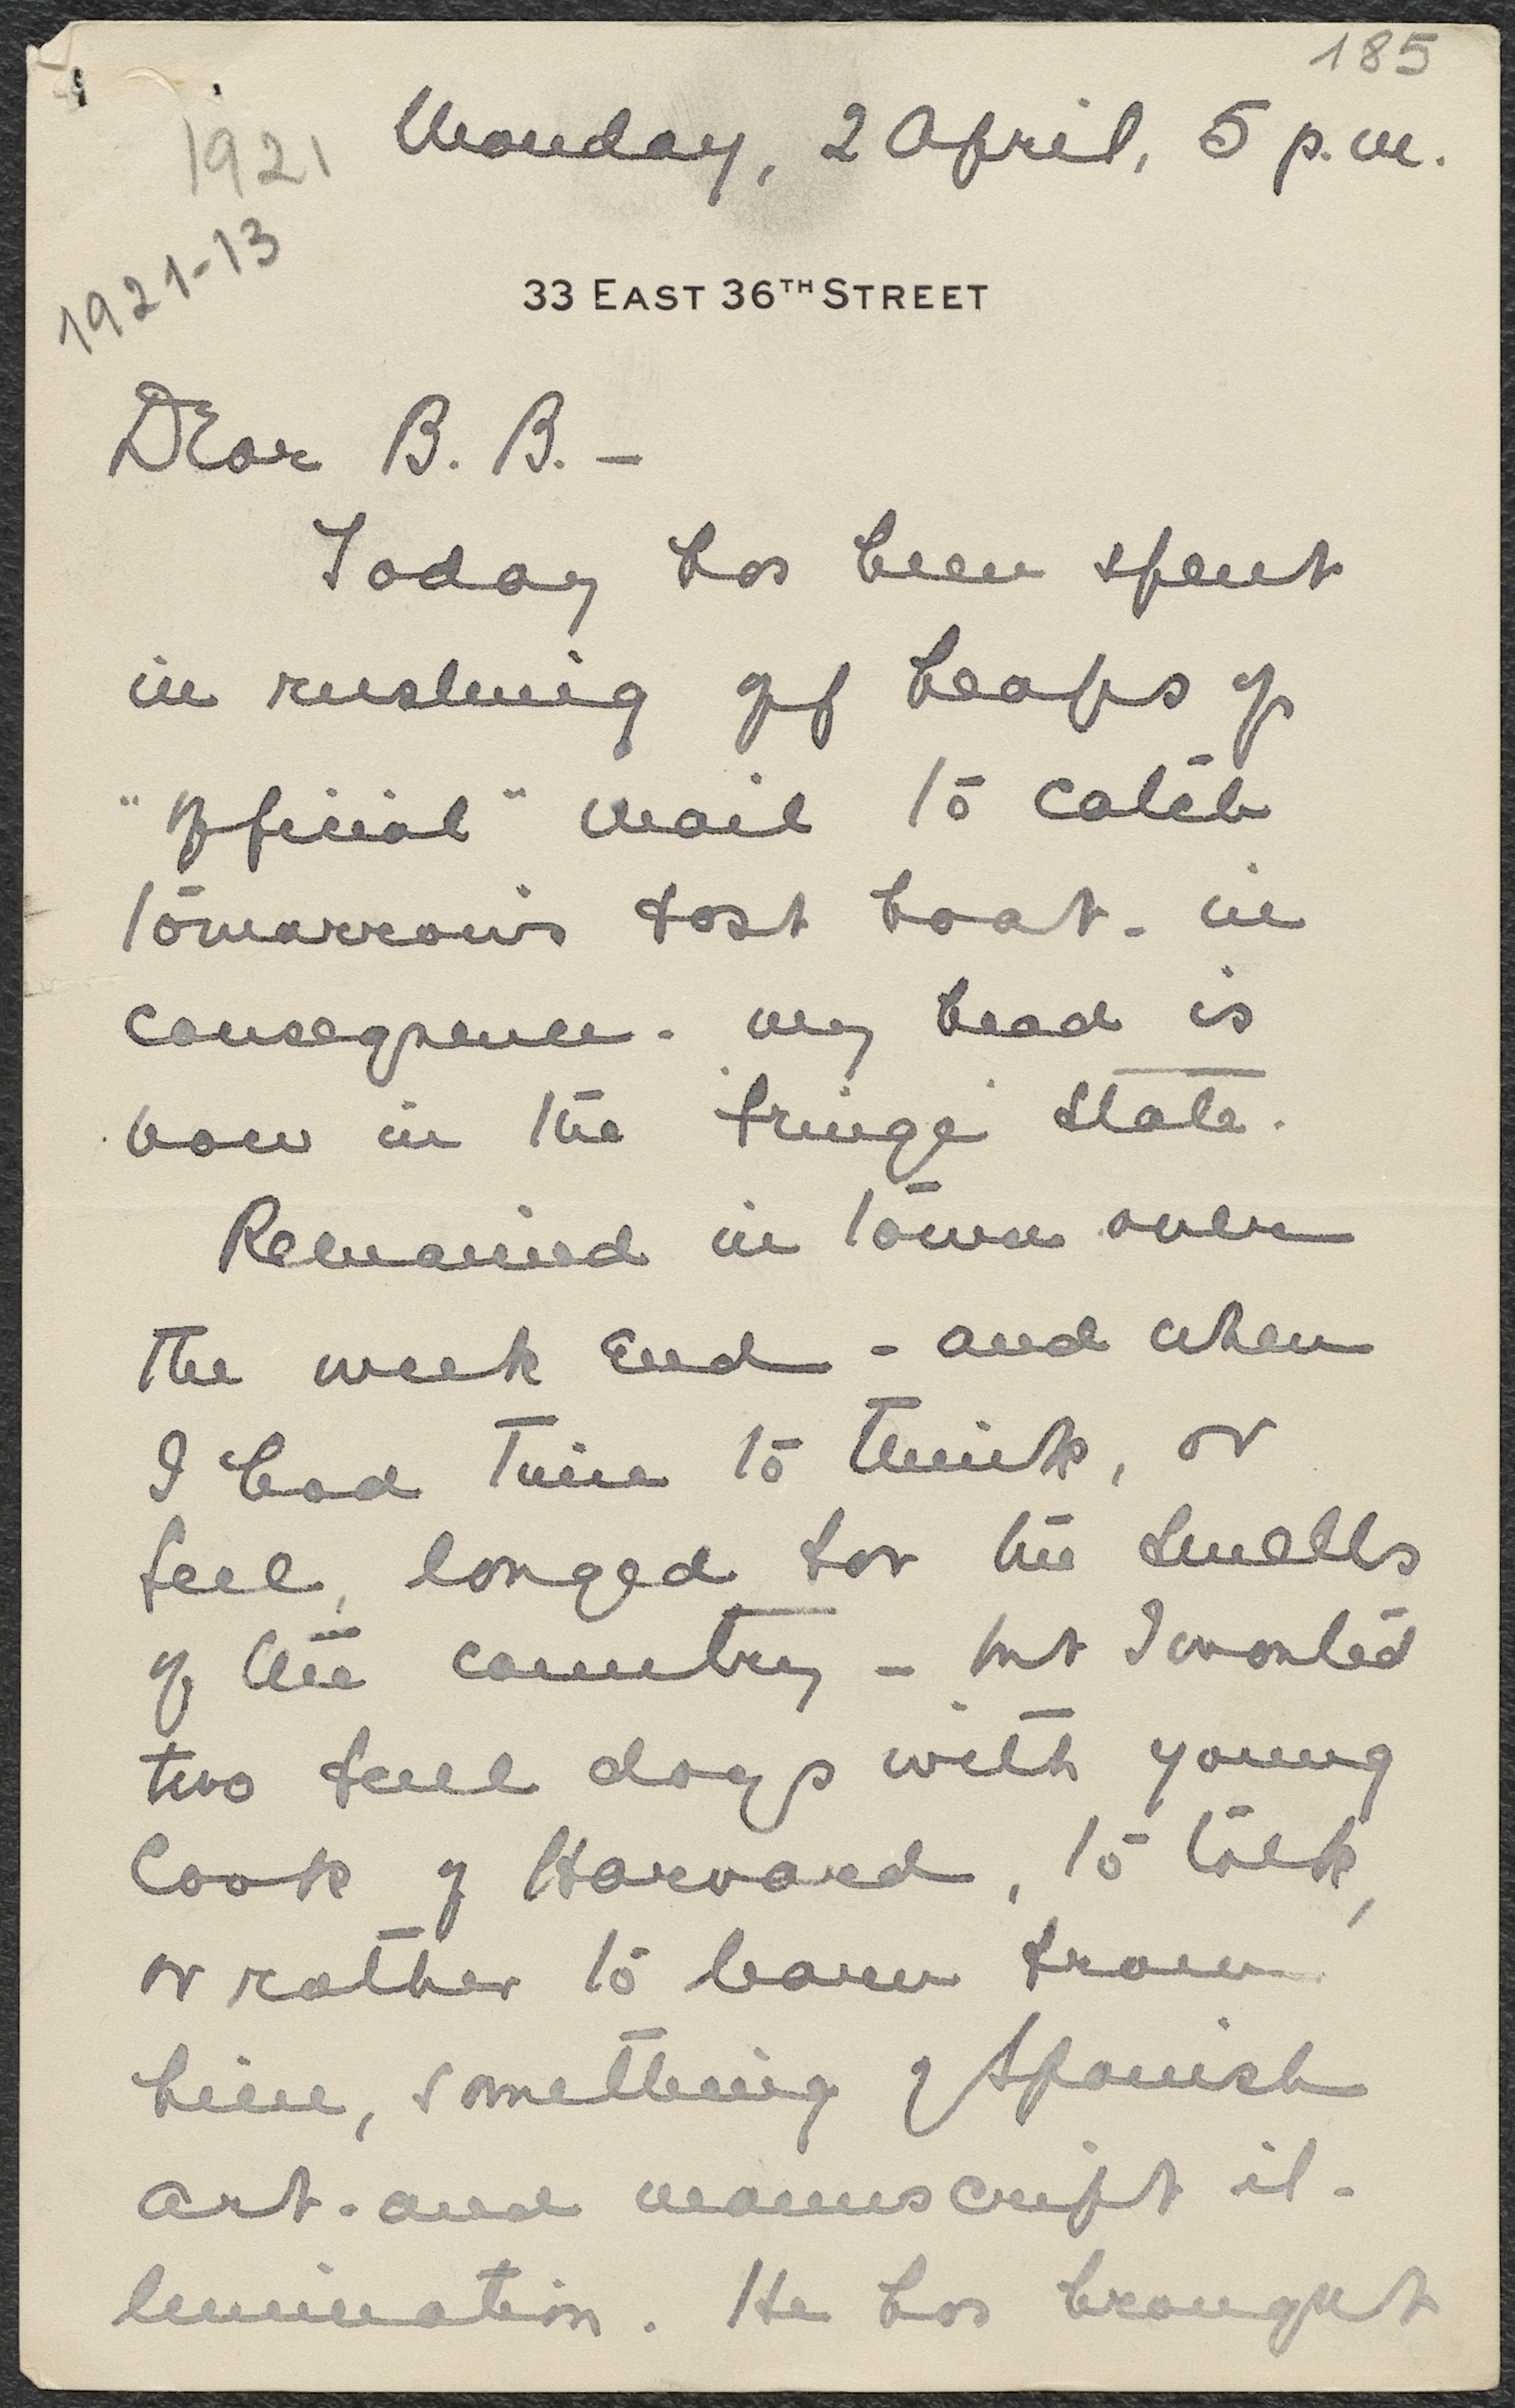Monday, 2 April, 5p.m.
Dear B.B. –
Today has been spent in rushing off heaps of "official" mail to catch tomorrow's last boat – in consequence – my head is now in the 'fringe' state.
Remained in town over the week end – and when I had time to think, or feel, longed for the smells of the country – but I wanted two full days with young Cook of Harvard, to talk, or rather to learn from him, something of Spanish art – and manuscript illumination. He has brought